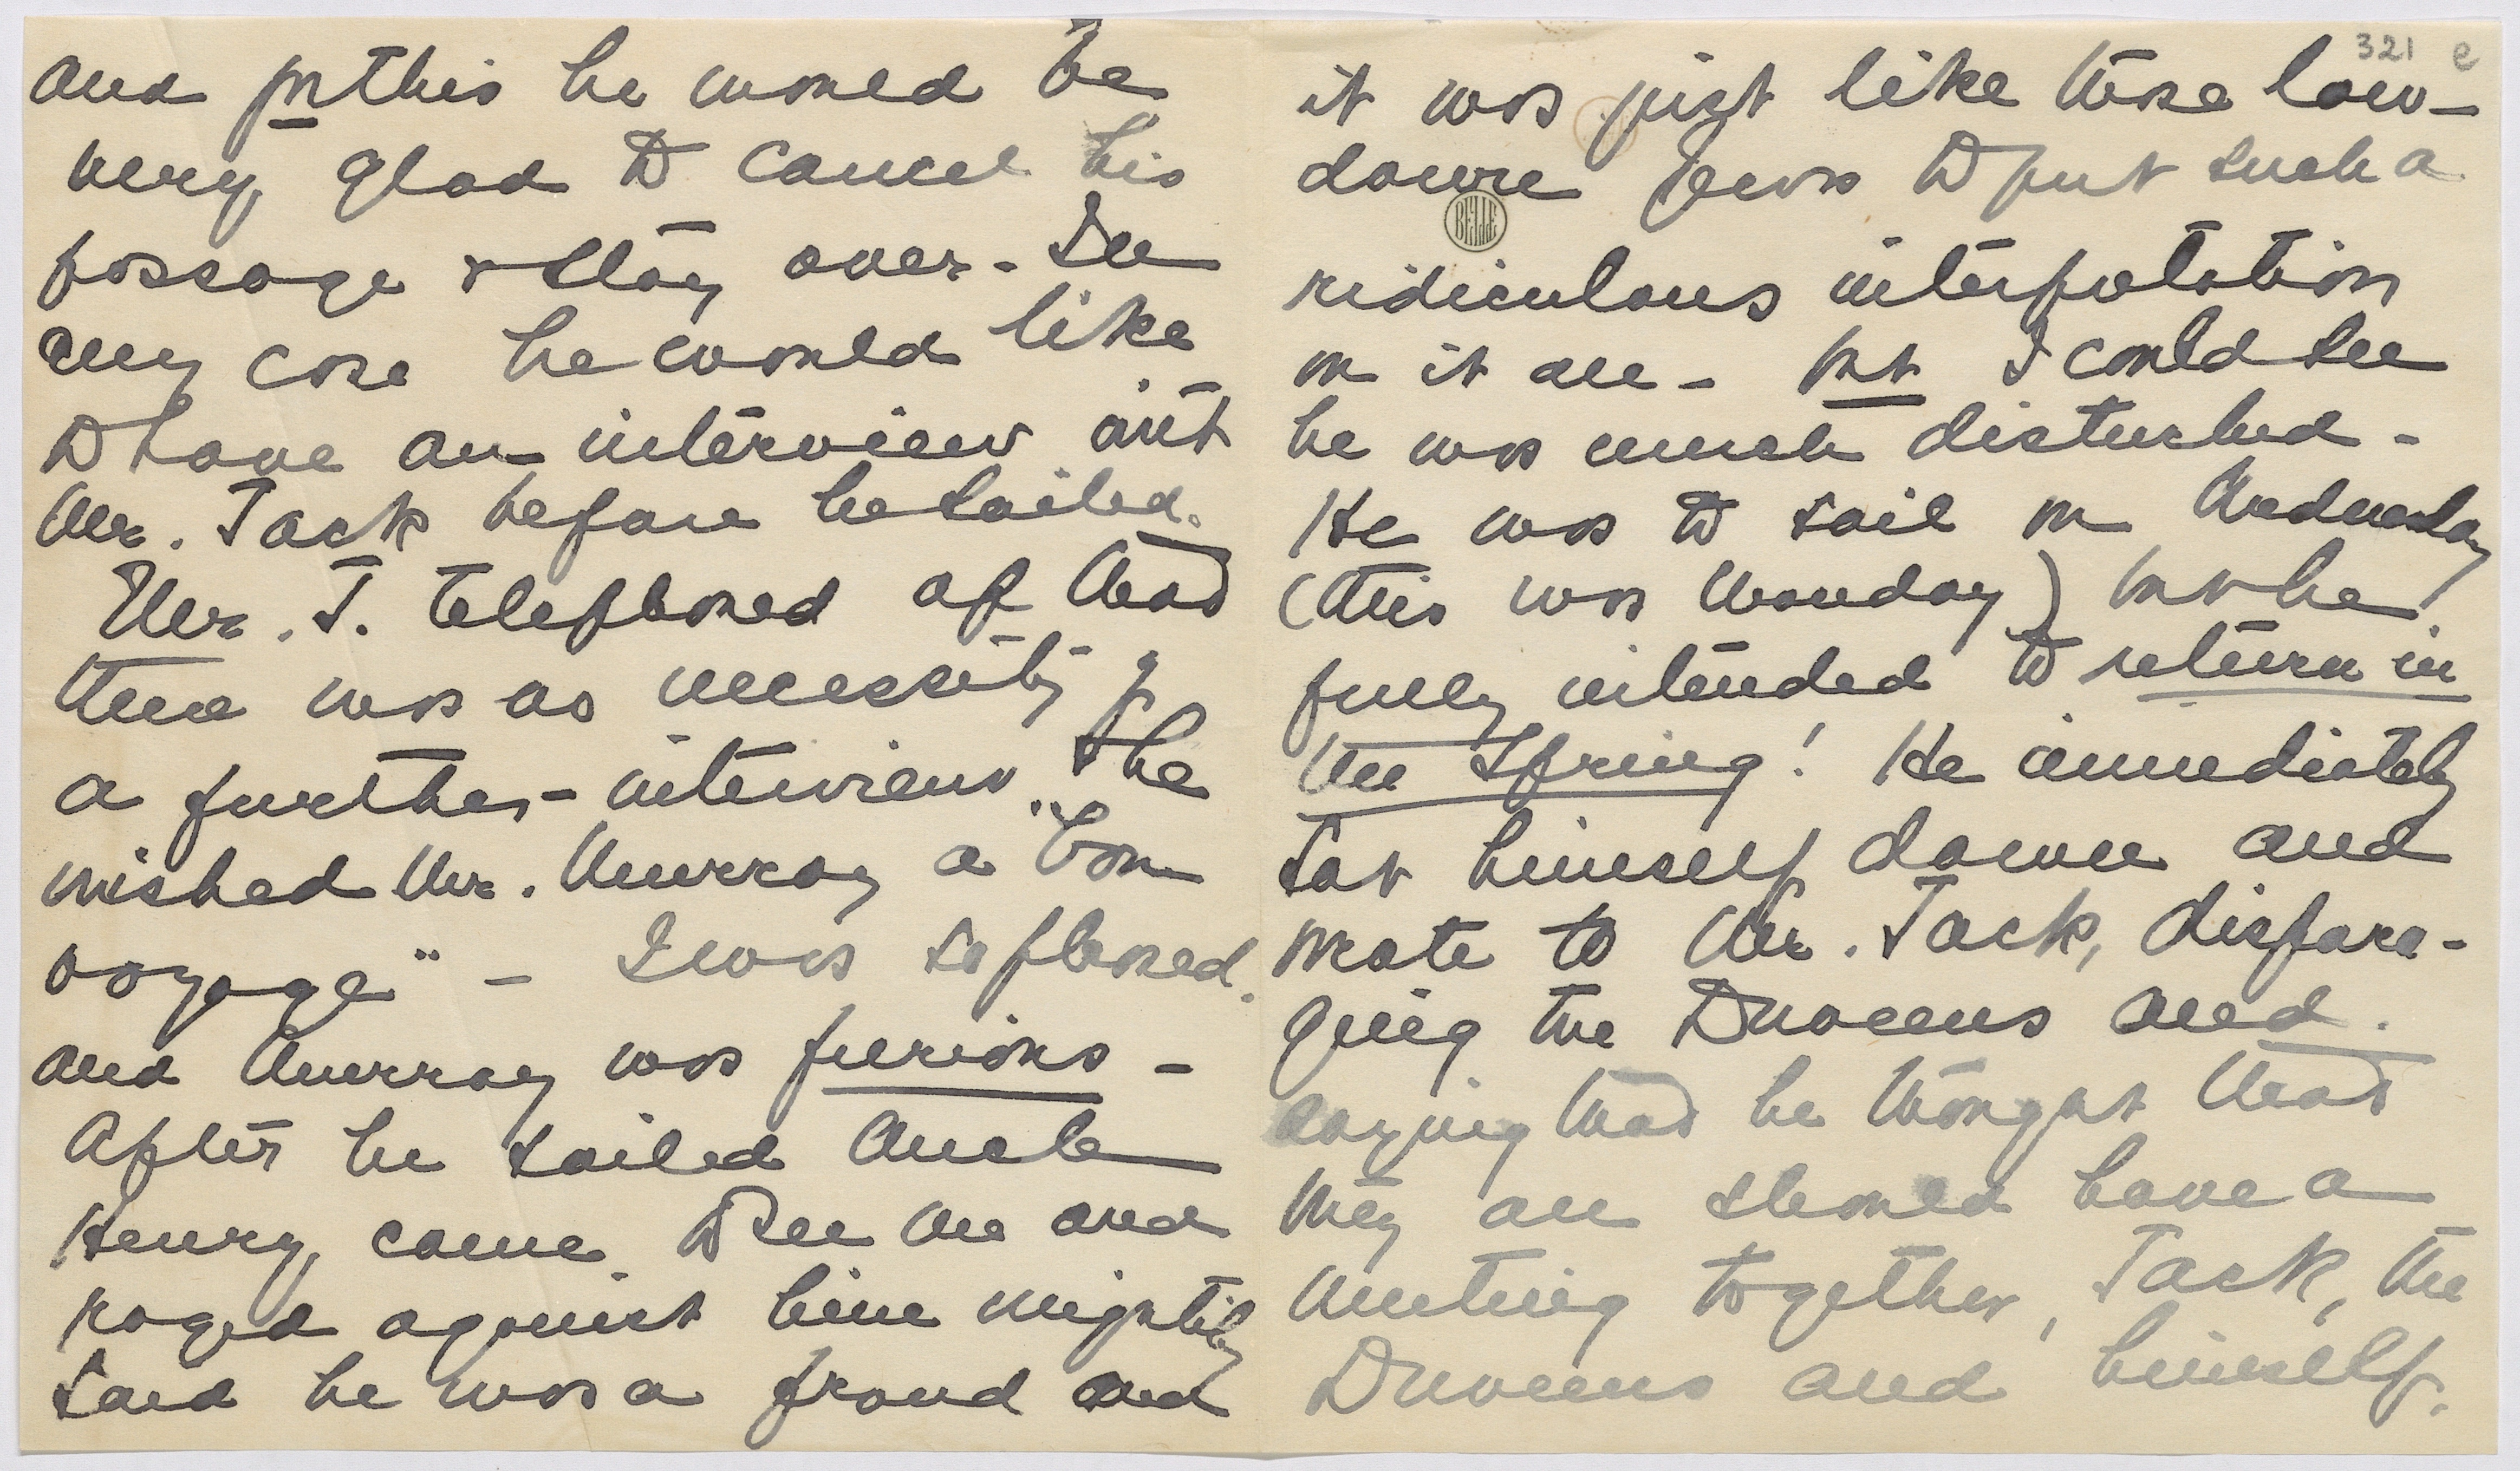it was just like those lowdown Jews to put such a ridiculous interpretation on it all – but I could see he was much disturbed –
He was to sail on Wednesday (this was Monday) but he fully intended to return in the Spring! He immediately sat himself down and wrote to Mr. Jack, disparaging the Duveens and saying that he thought that they all should have a meeting together, Jack, the Duveens, and himself.
And for this he would be very glad to cancel his passage & stay over – In any case he would like to have an interview with Mr. Jack before he sailed.
Mr. J. telephoned of that there was no necessity of a further-interview & he wished Mr. Murray a “bon voyage” – I was so pleased, and Murray was furious –
After he sailed Uncle Henry came to see me and raged against him mightily Said he was a fraud and